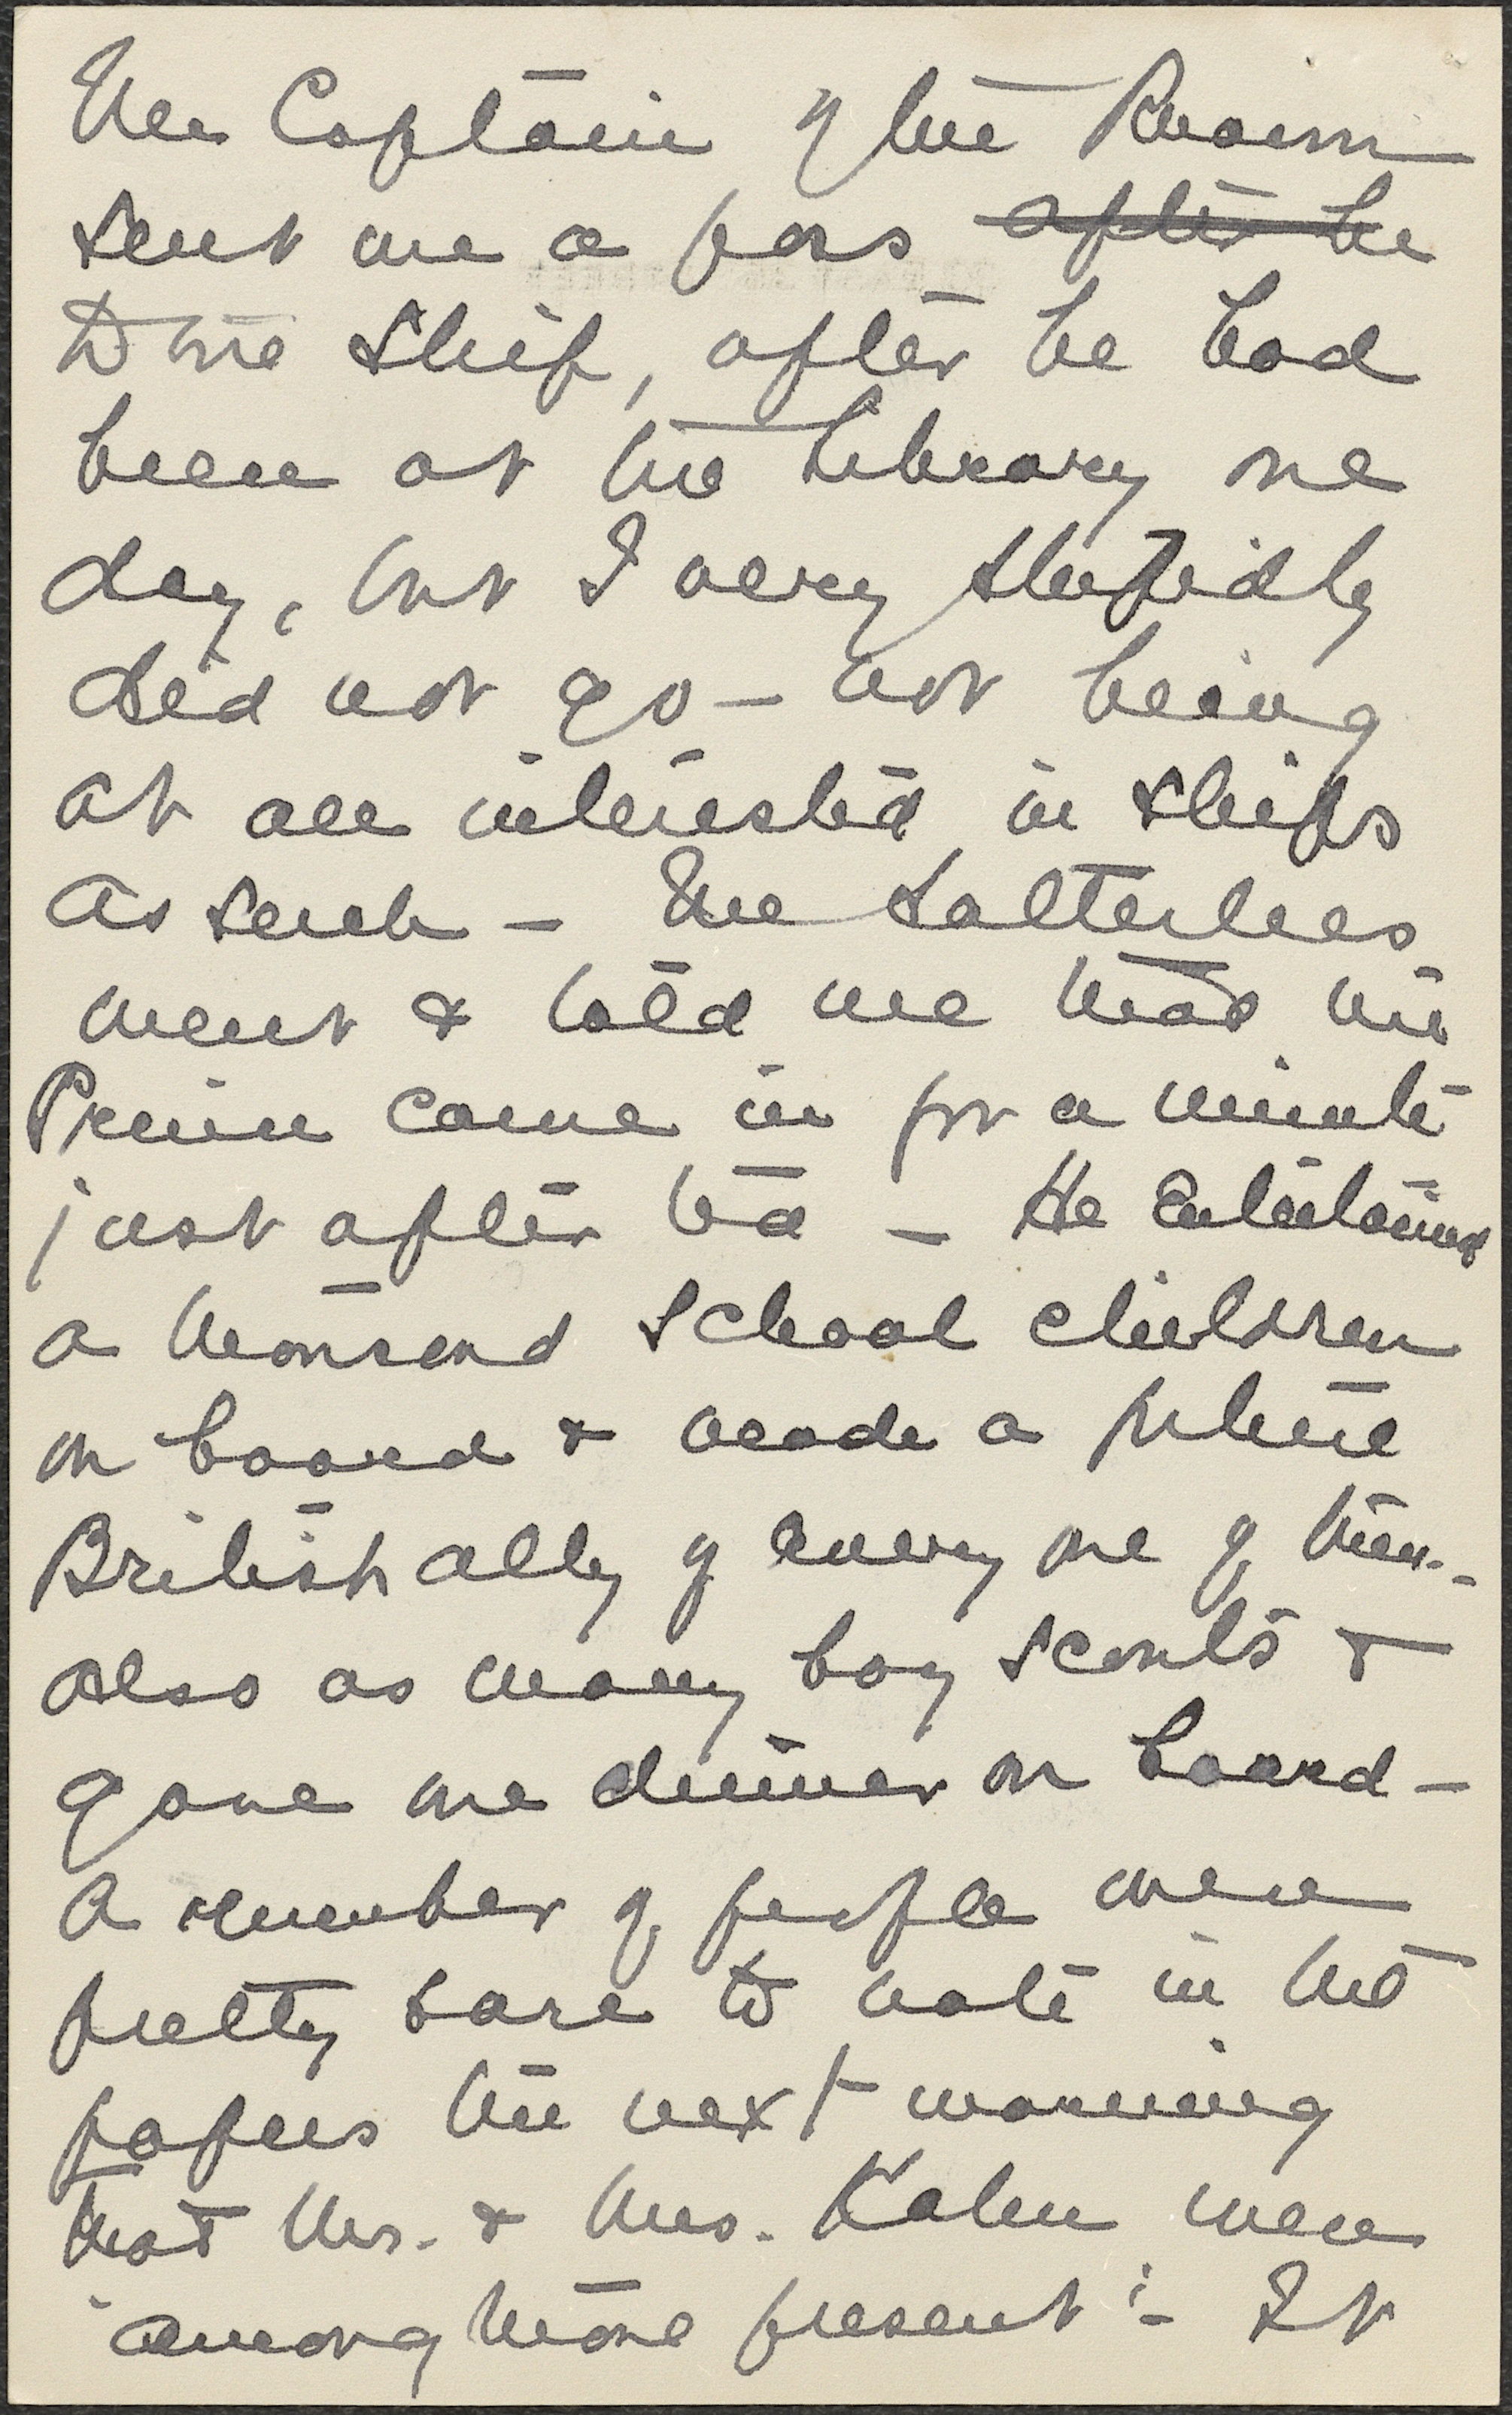The Captain of the Renown sent me a pass after he to the ship, after he had been at the Library one day, but I very stupidly did not go – not being at all interested in ships as such – the Satterlees went & told me that the Prince came in for a minute just after tea – He entertained a thousand school children on board & made a future British ally of every one of them. Also as many boy scouts & gave one dinner on board – A number of people were pretty sore to note in the papers the next morning that Mr. & Mrs. Kahn were among those present – It